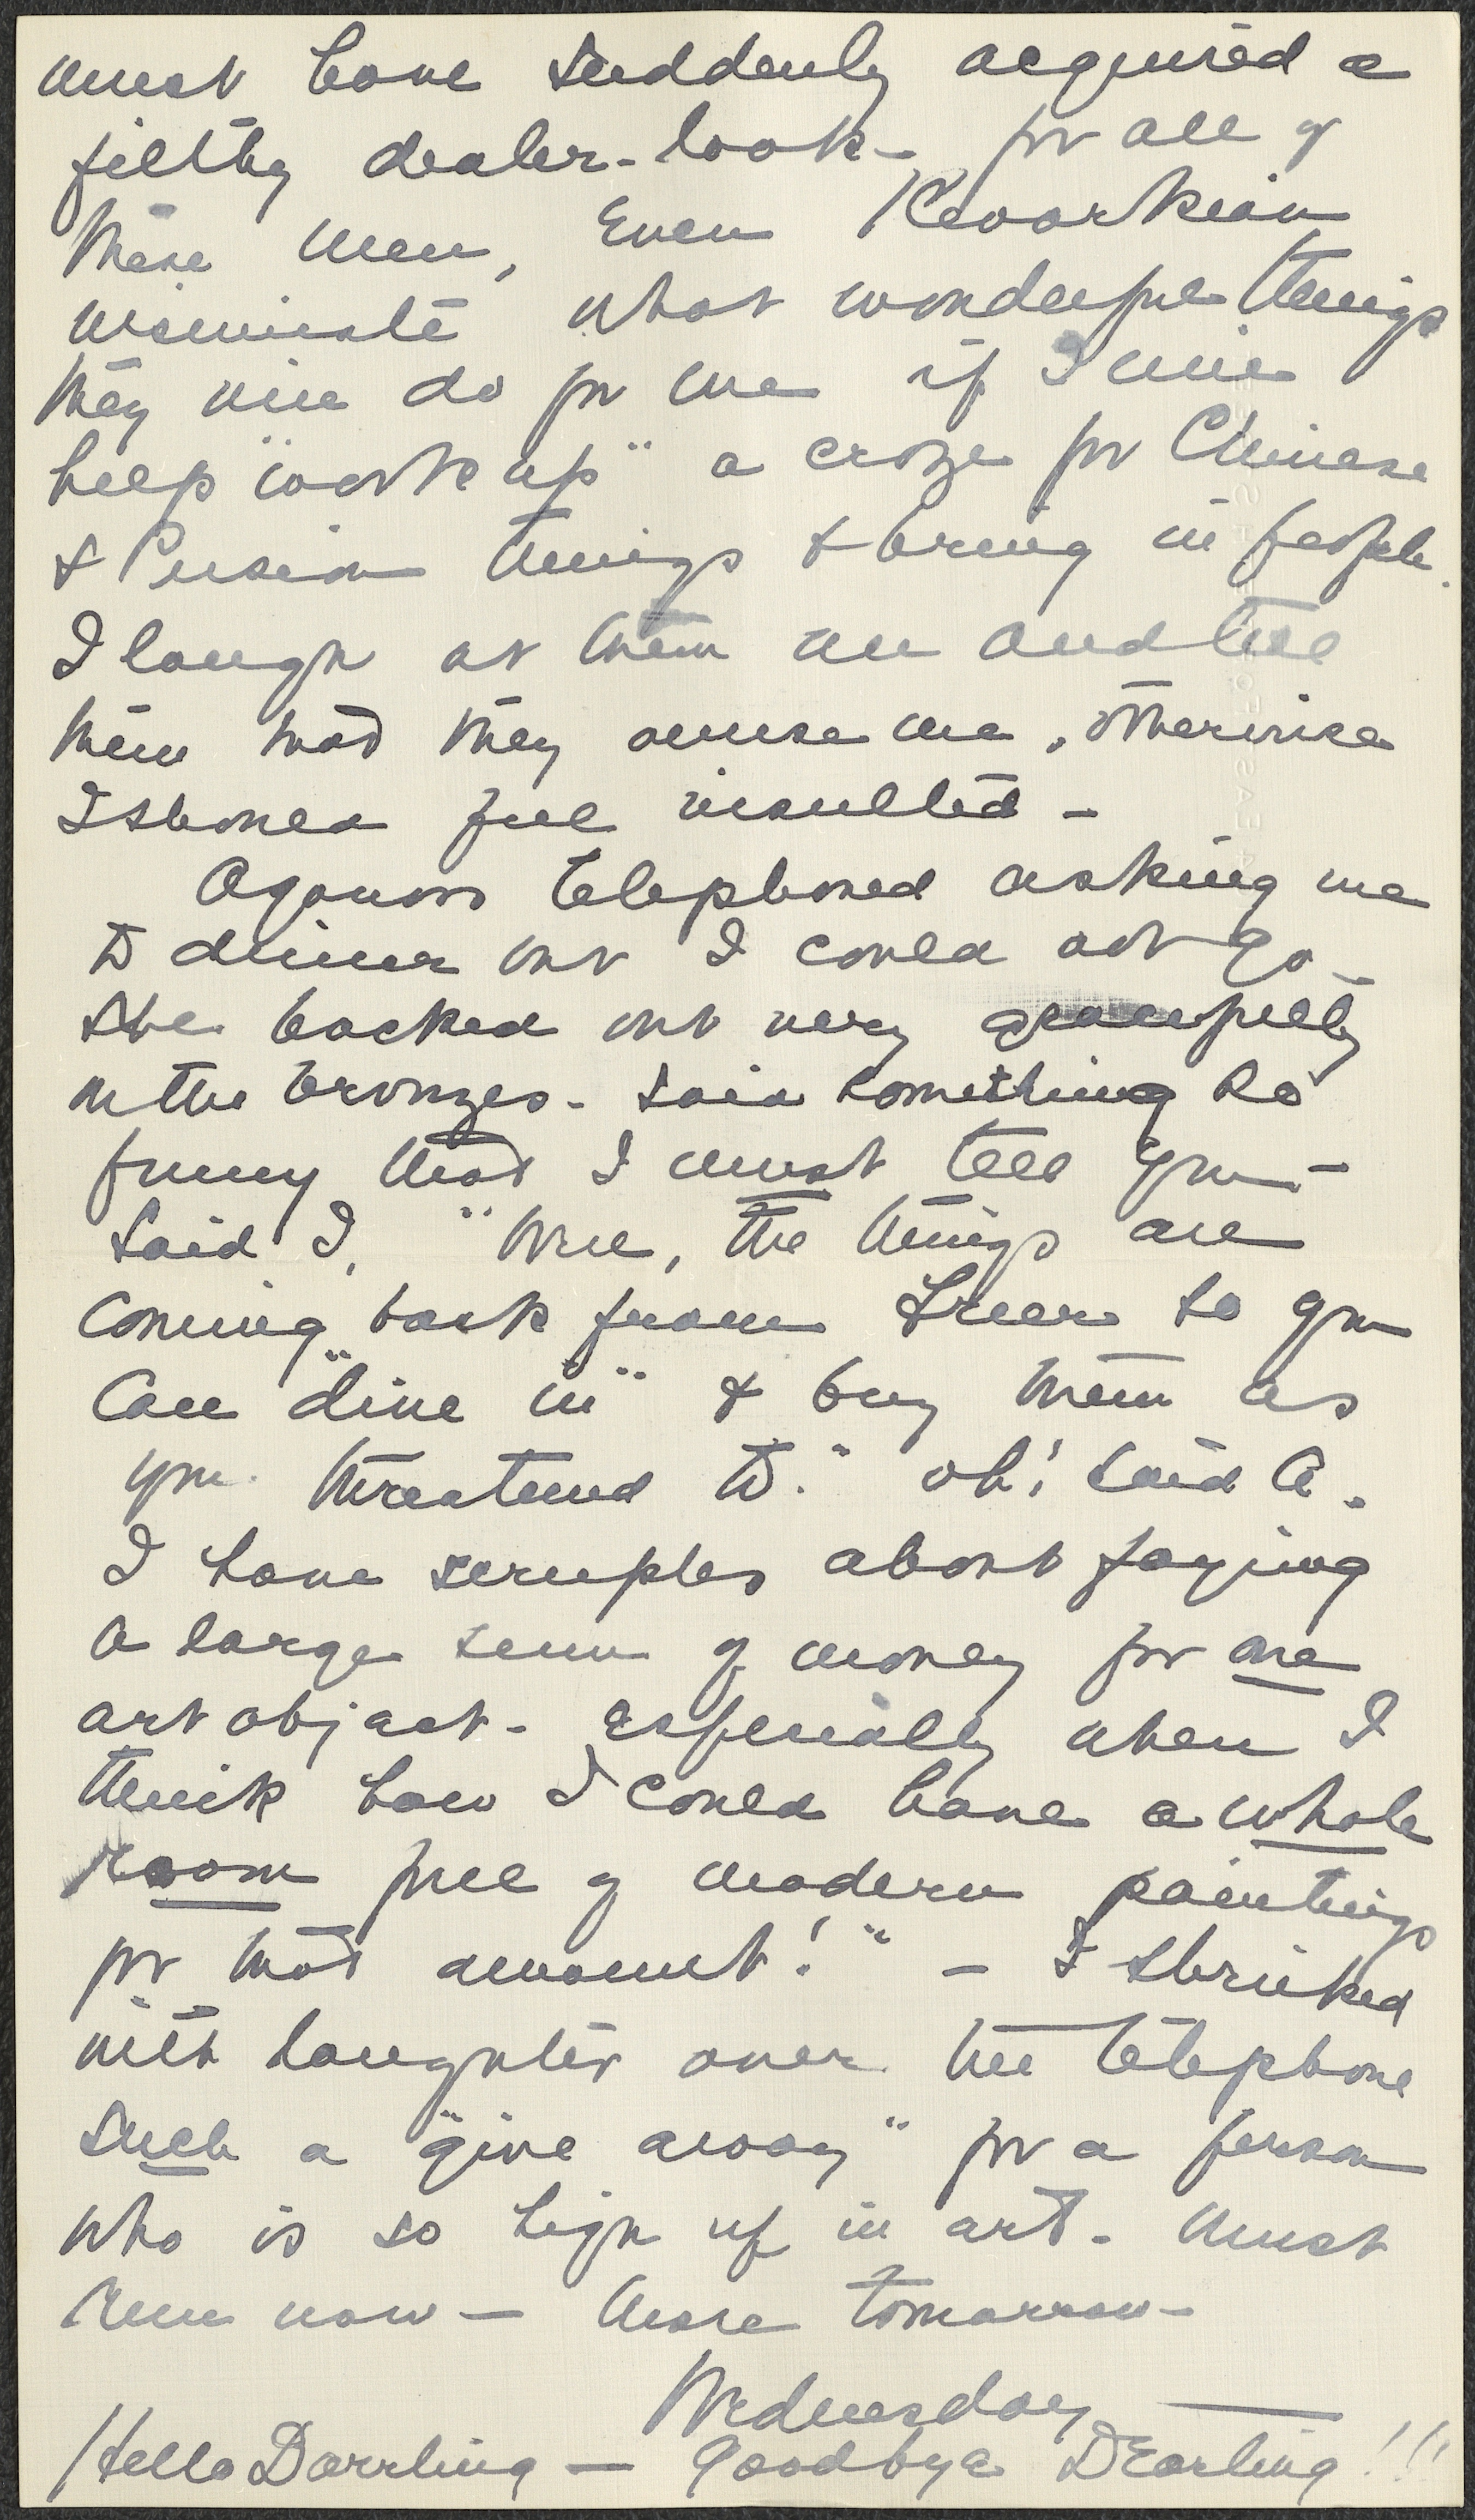must have suddenly acquired a filthy dealer-look – for all of these men, even Kevorkian insinuate what wonderful things they will do for me if I will help “work up” a craze for Chinese & Persian things & bring in people. I laugh at them all and tell them that they amuse me, otherwise I should feel insulted –
Agoness telephoned asking me to dinner but I could not go – she backed out very gracefully on the bronzes – said something so funny that I must tell you – said I, “Well, the things all coming back from Freer so you can “dive in” & buy them as you threatened to.” Oh! said A – I have scruples about paying a large sum of money for one art object – especially when I think how I could have a whole room full of modern paintings for that amount!” – I shrieked with laughter over the telephone such a “give away” for a person who is so high up in art – must run now – More tomorrow –
Wednesday –
Hello Darrling – Goodbye Dearling!!!